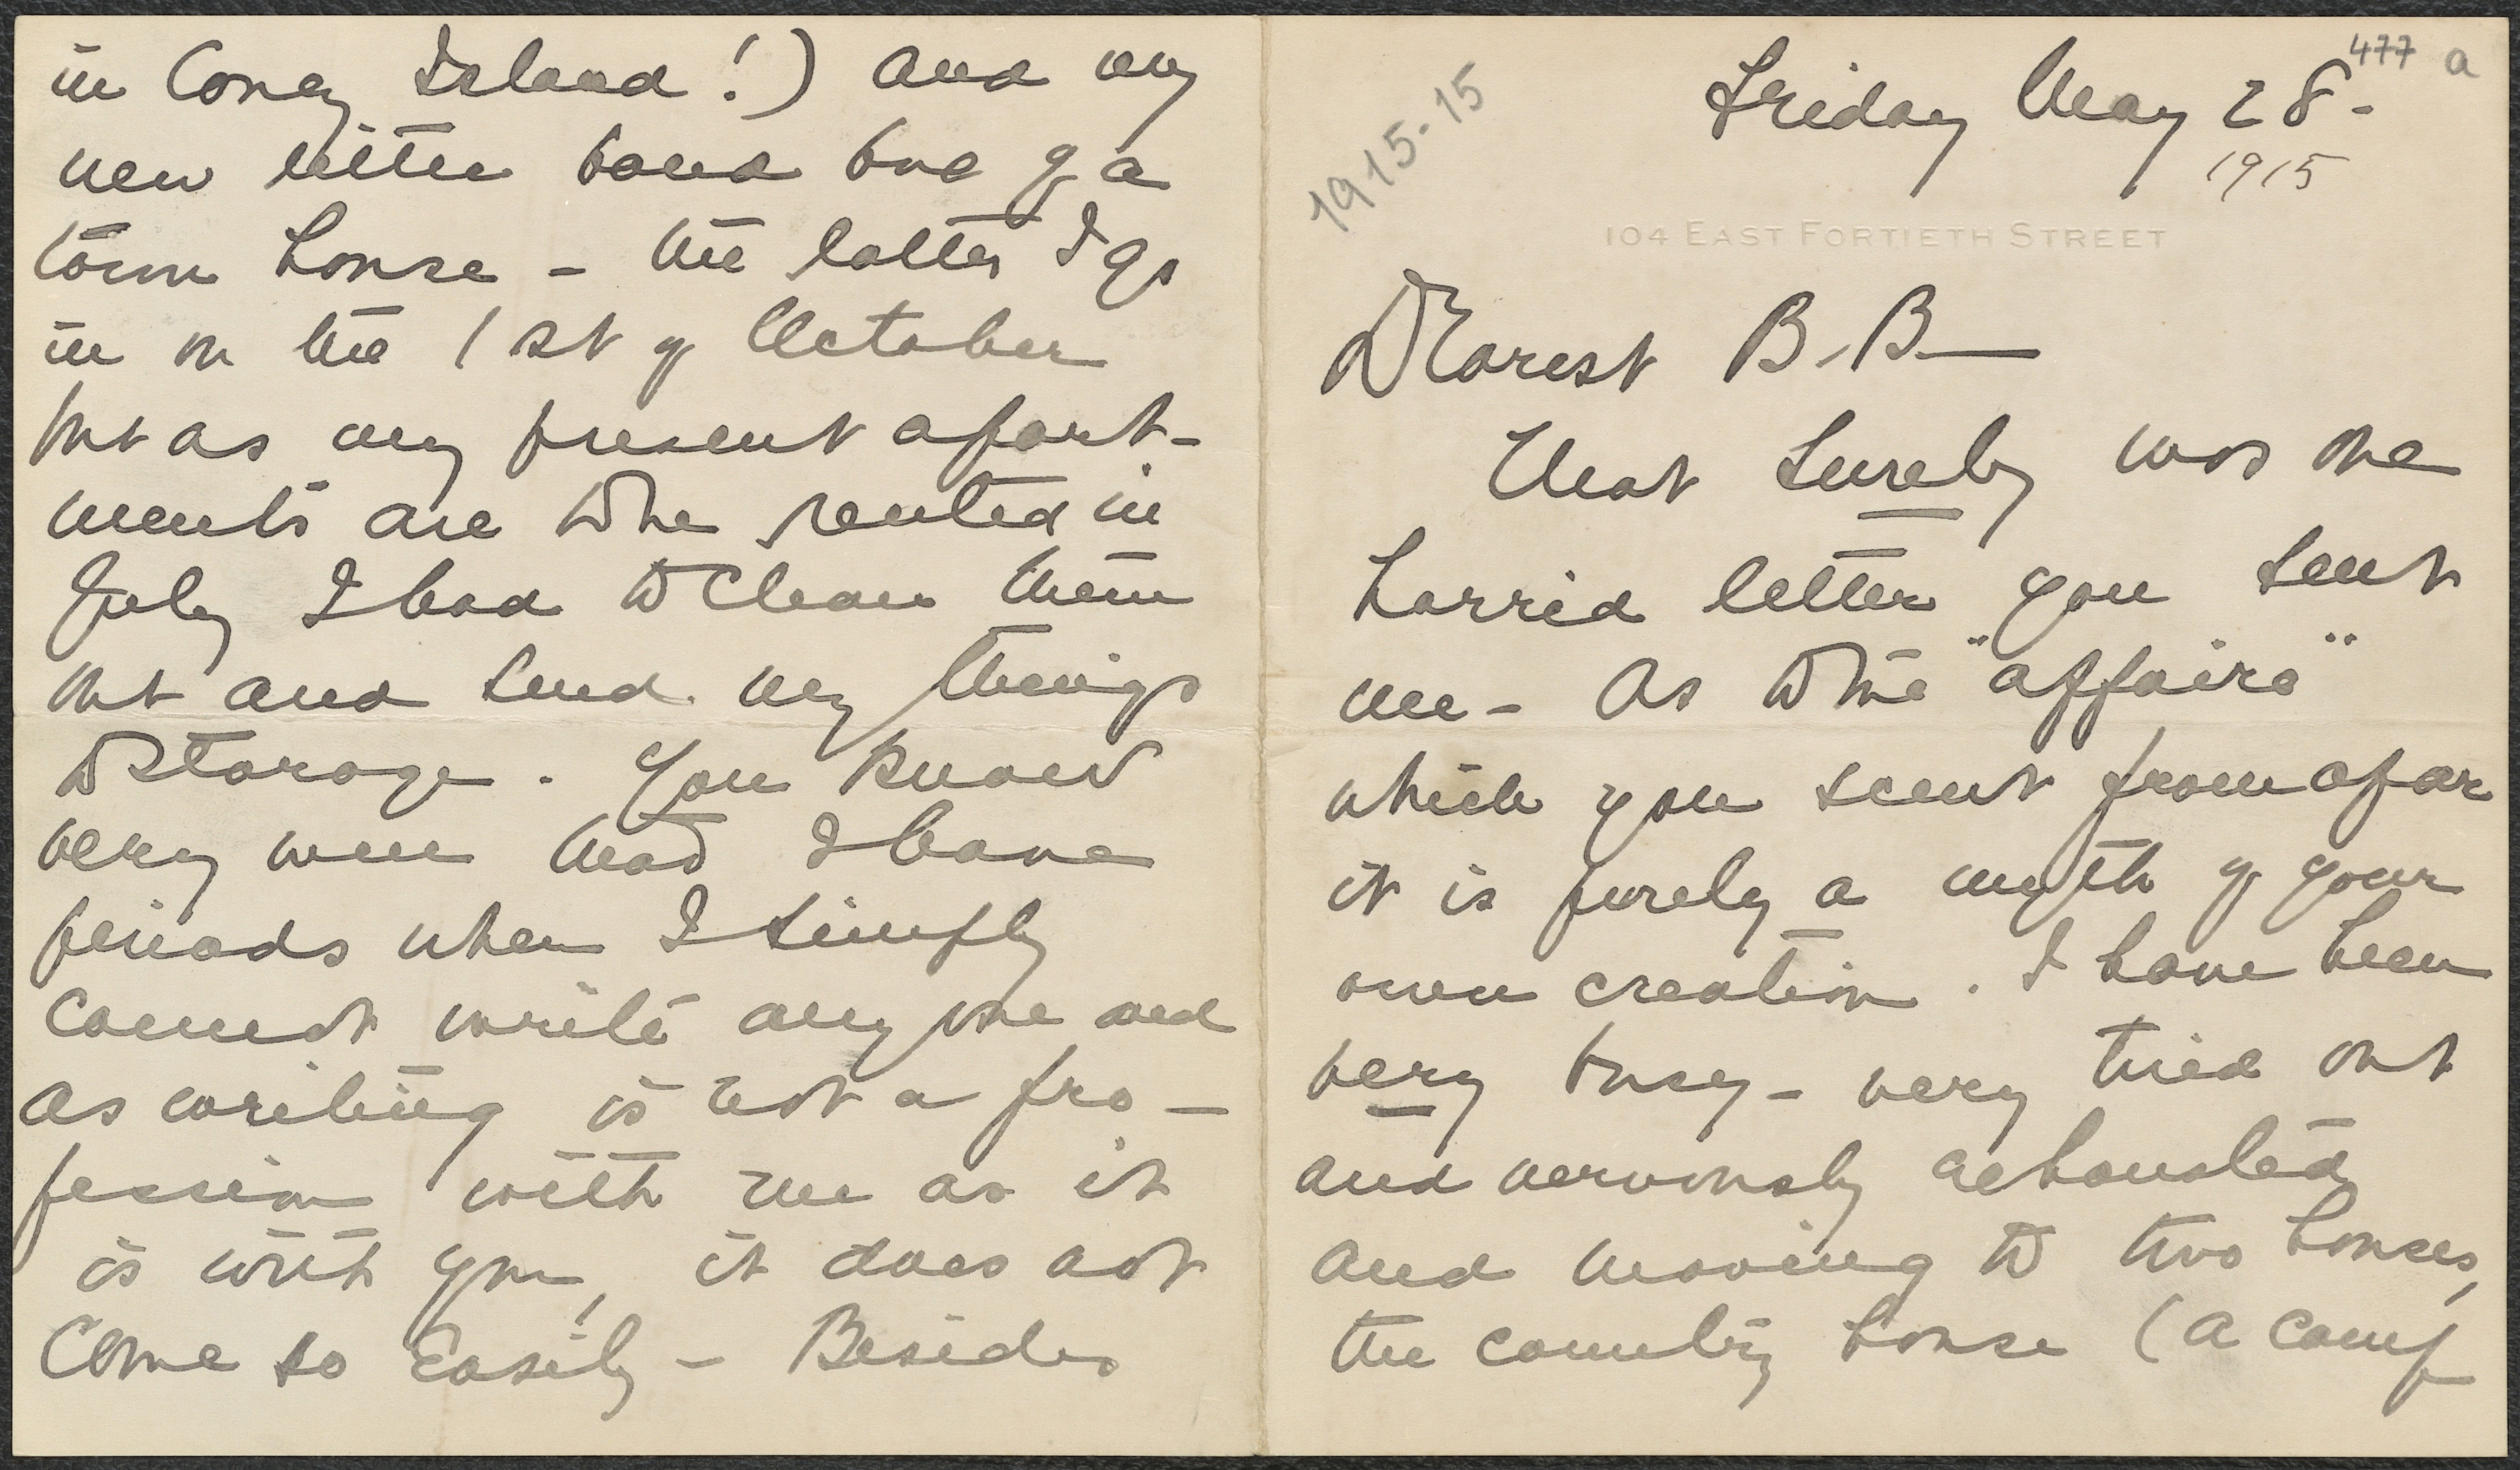Friday May 28 –
Dearest B. B –
That surely was one horrid letter you sent me – as to the “affairs” which you scent from afar it is purely a myth of your own creation. I have been very busy – very tired out and nervously exhausted and moving to two houses, the country house (a camp
in Coney Island!) and my new little handful of a town house – the latter I go in on the 1st of October but as any present apartments are to be rented in July I had to clean them out and send my things to storage. You know very well that I have periods when I simply cannot write anyone and as writing is not a profession with me as it is with you, it does not come so easily – Besides